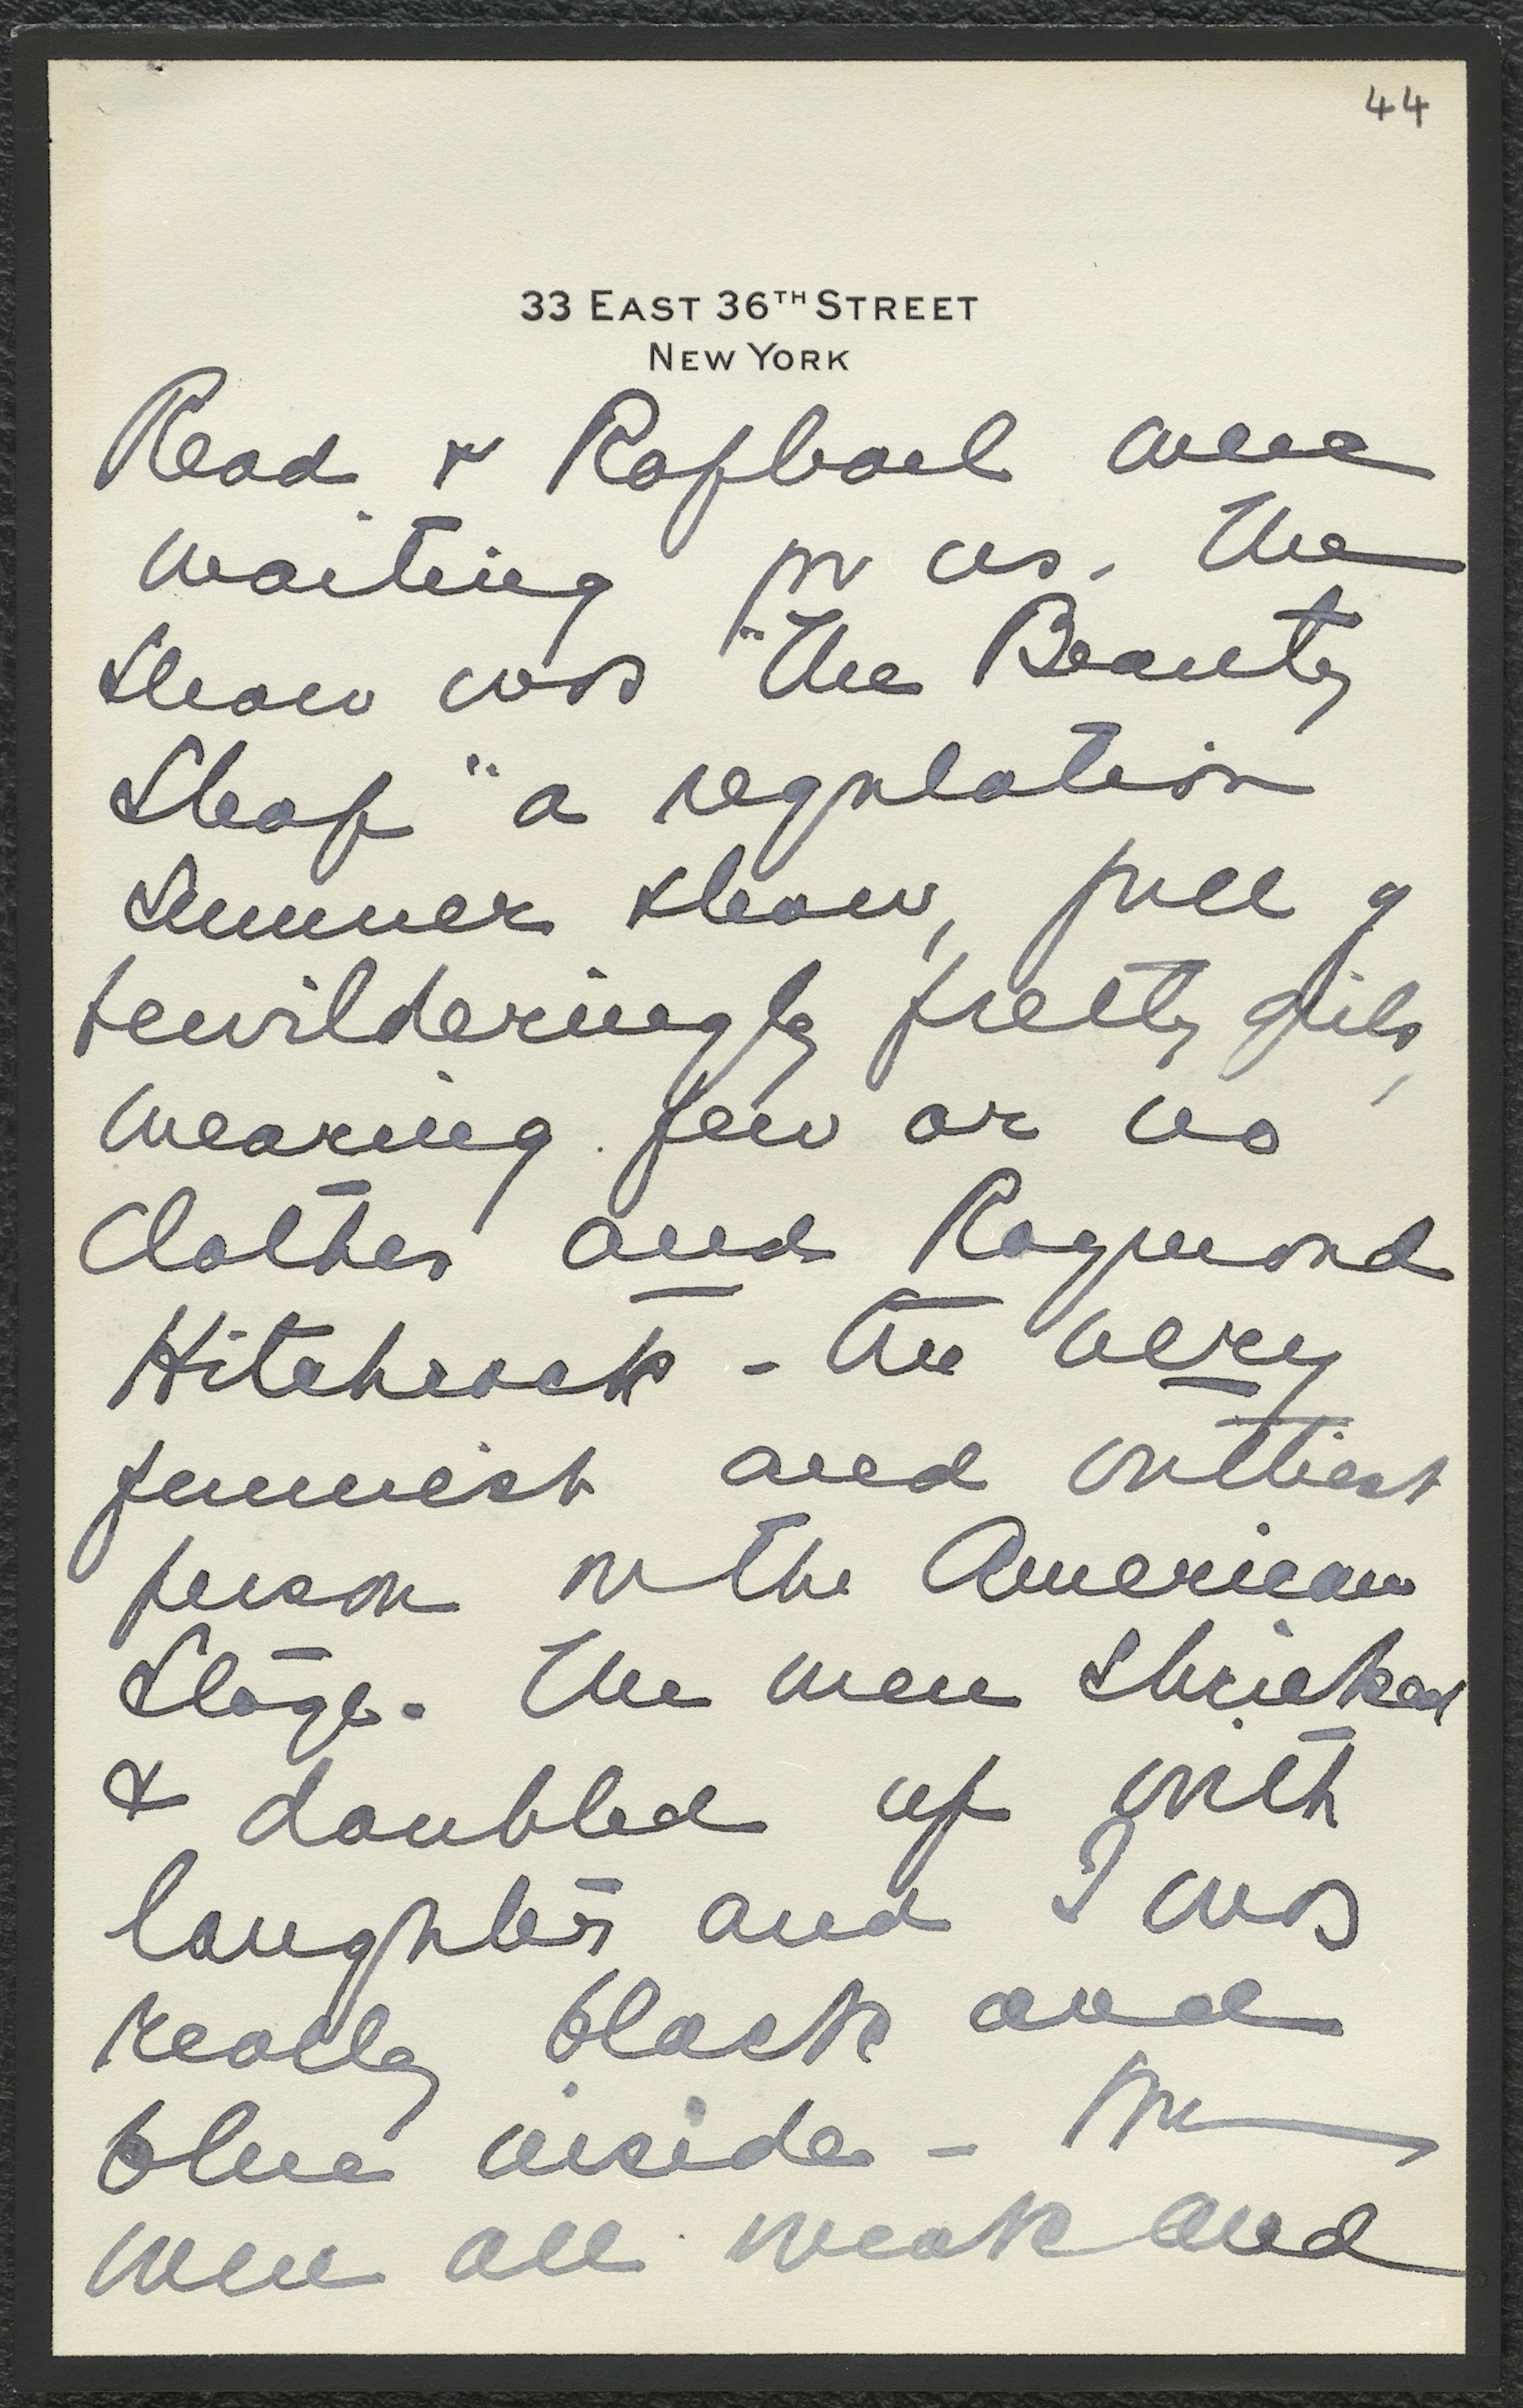Read & Raphael were waiting for us. The show was “The Beauty Sleep” a regulation summer show, full of bewilderingly pretty girls, wearing few or no clothes and Raymond Hitchcock – the very funniest and wittiest person on the American stage. The men shrieked & doubled up with laughter and I was really black and blue inside – We were all weak and